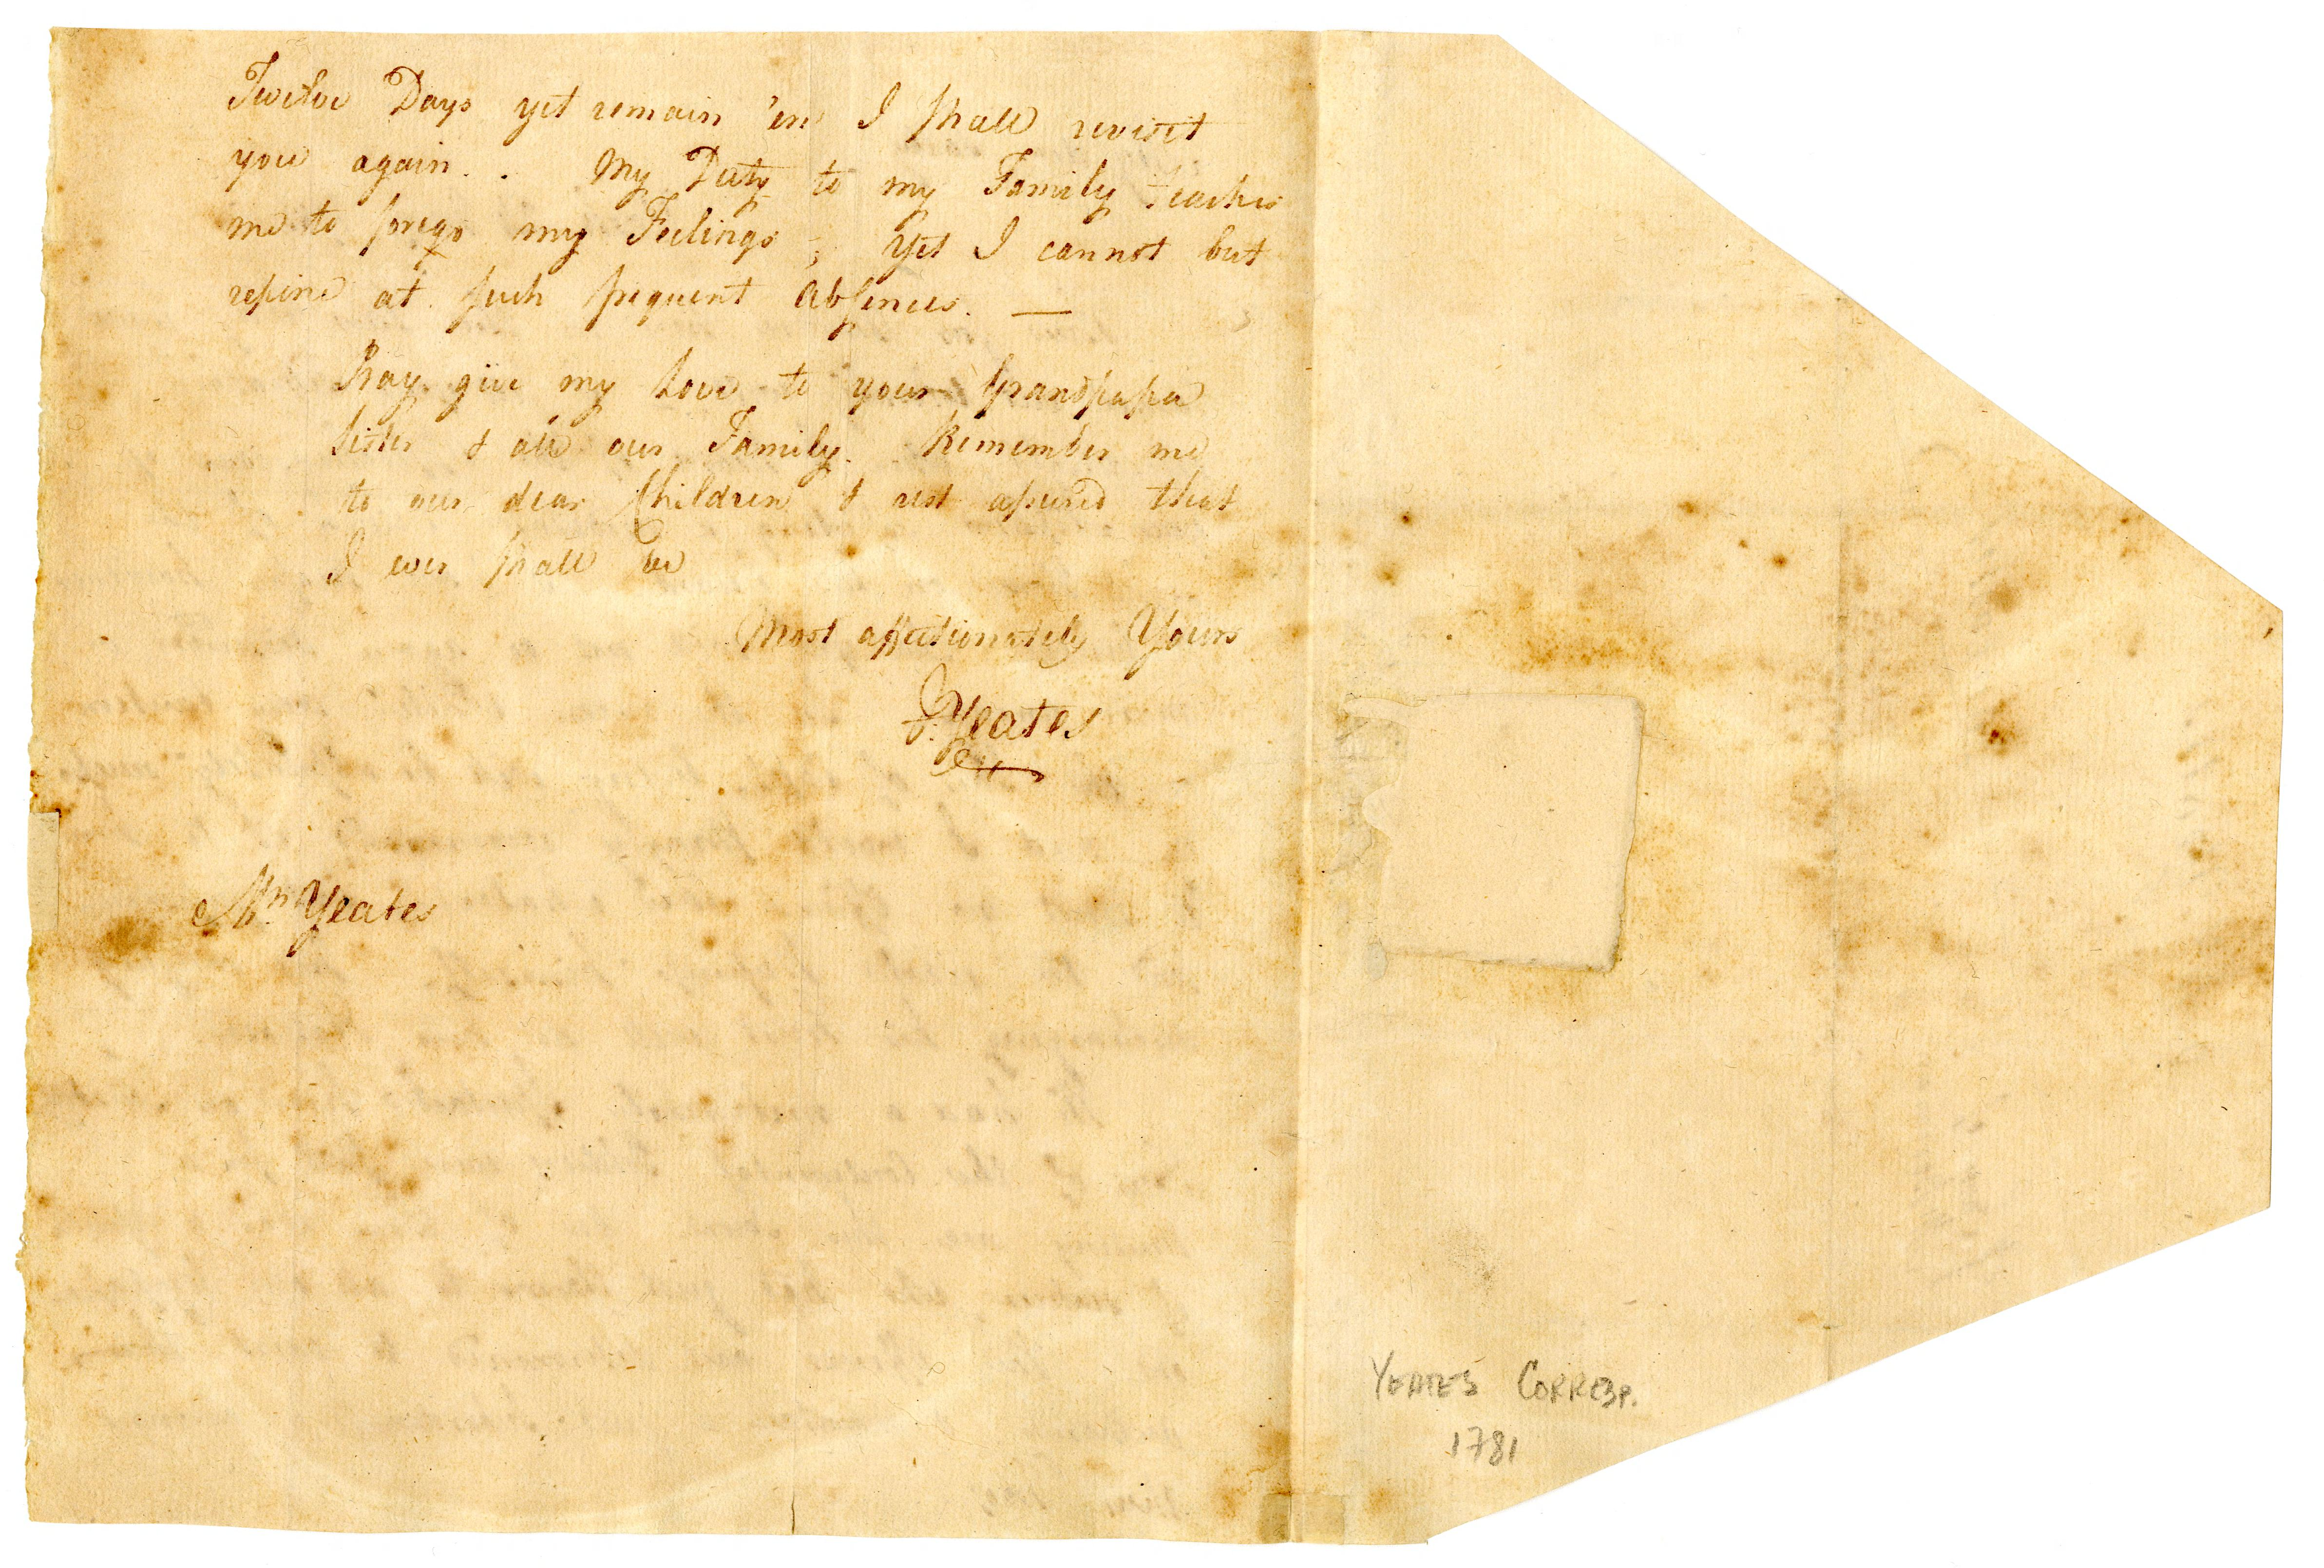Twelve Days yet remain 'en I shall writ
you again. My Duty to my Family Teaches
me to forego my Feelings; yet I cannot but
repine at such frequent absences.
Pray give my Love to your Grandpapa
Sister & all our Family. Remember me
to our dear Children I rest assured that
I ever shall be
Most affectionately Yours
J: Yeates
M^r. Yeates